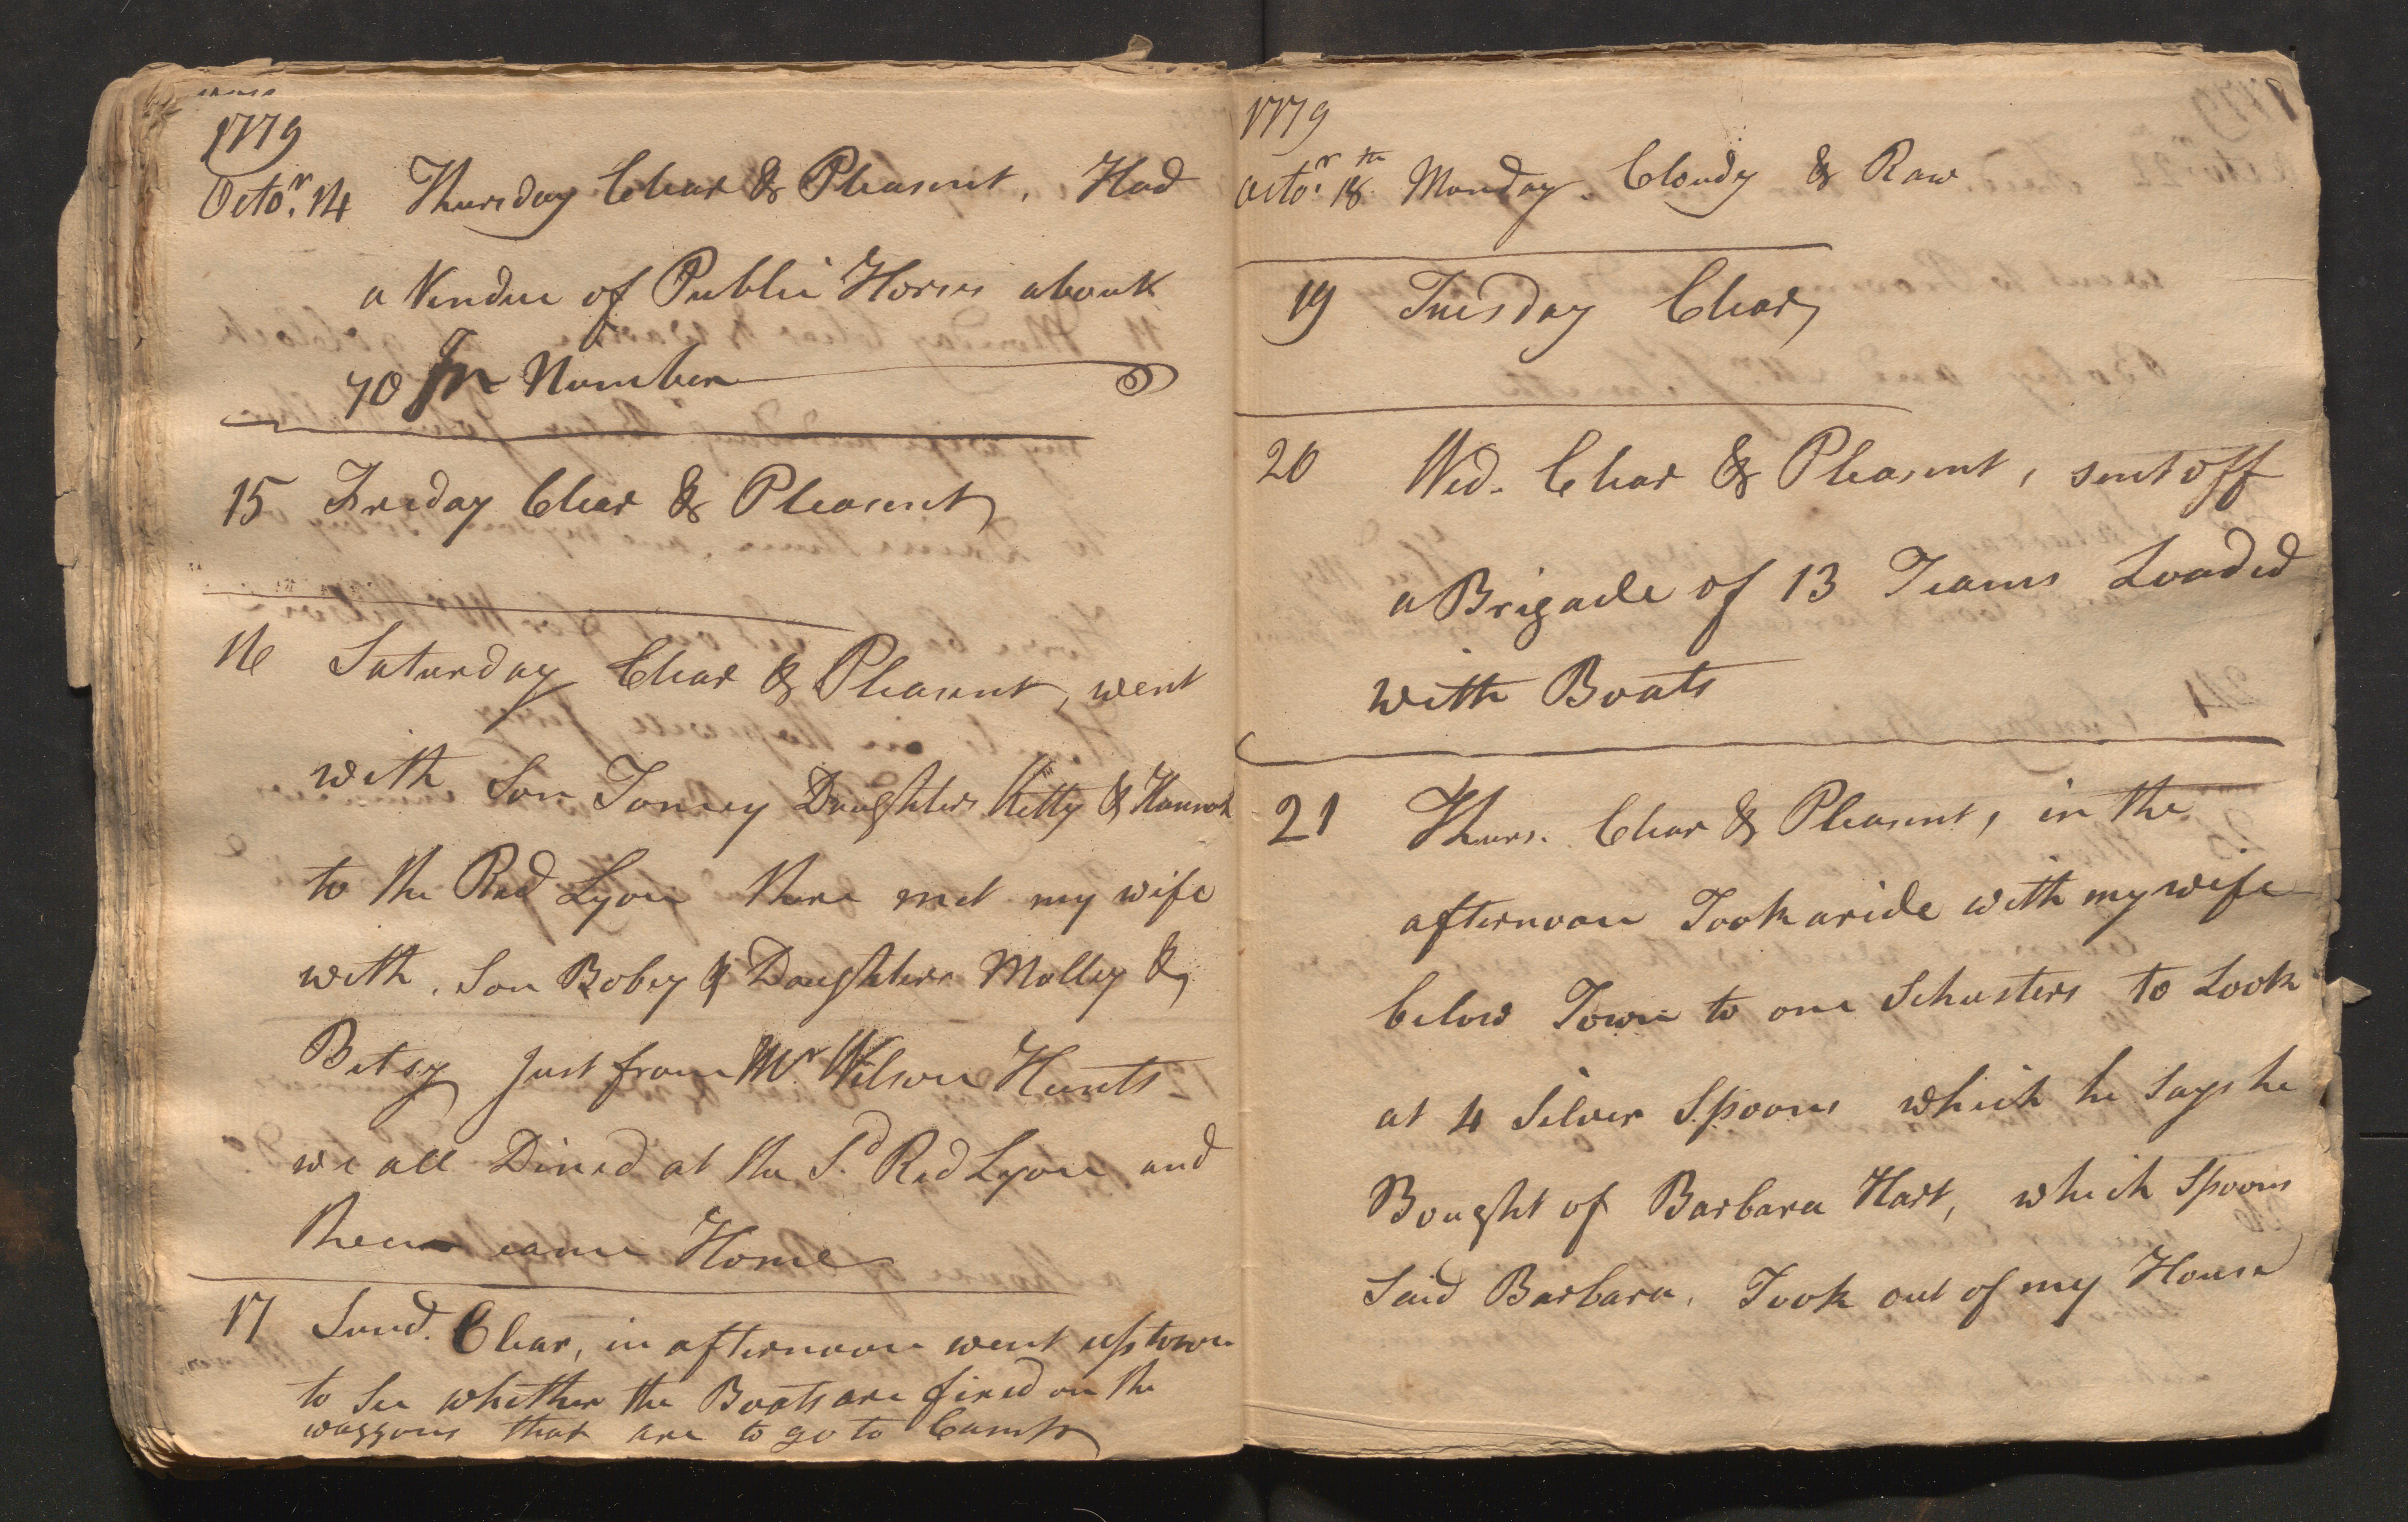1779
Octo^r. 14 Thursday Clear & Pleasent. Had
a Vendue of Public Horses about
70 In Number
15 Friday Clear & Pleasent
16 Saturday Clear & Pleasent, went
with Son Tomey Daughter Kitty & Hannah
to the Red Lyon there met my wife
with, Son Bobey & Daughters Molly &
Betsy Just from M^r. Wilson Hunts-
we all Dined at the s^d. Red Lyon and
then came Home
17 Sund. Clear, in afternoon went up town
to see whether the Boots are fixed on the
waggons that are to go to Camp
1779
Octo^r. 18^th Monday. Cloudy & Raw
19 Tuesday Clear
20 Wed. Clear & Pleasent, sent off
a Brigade of 13 Teams Loaded
with Boats
21 Thurs. Clear & Pleasent, in the
afternoon Took a ride with my wife
below Town to our Schusters to Look
at 4 silver Spoons which he says he
Bought of Barbara Hart, which spoons
Said Barbara. Took out of my House